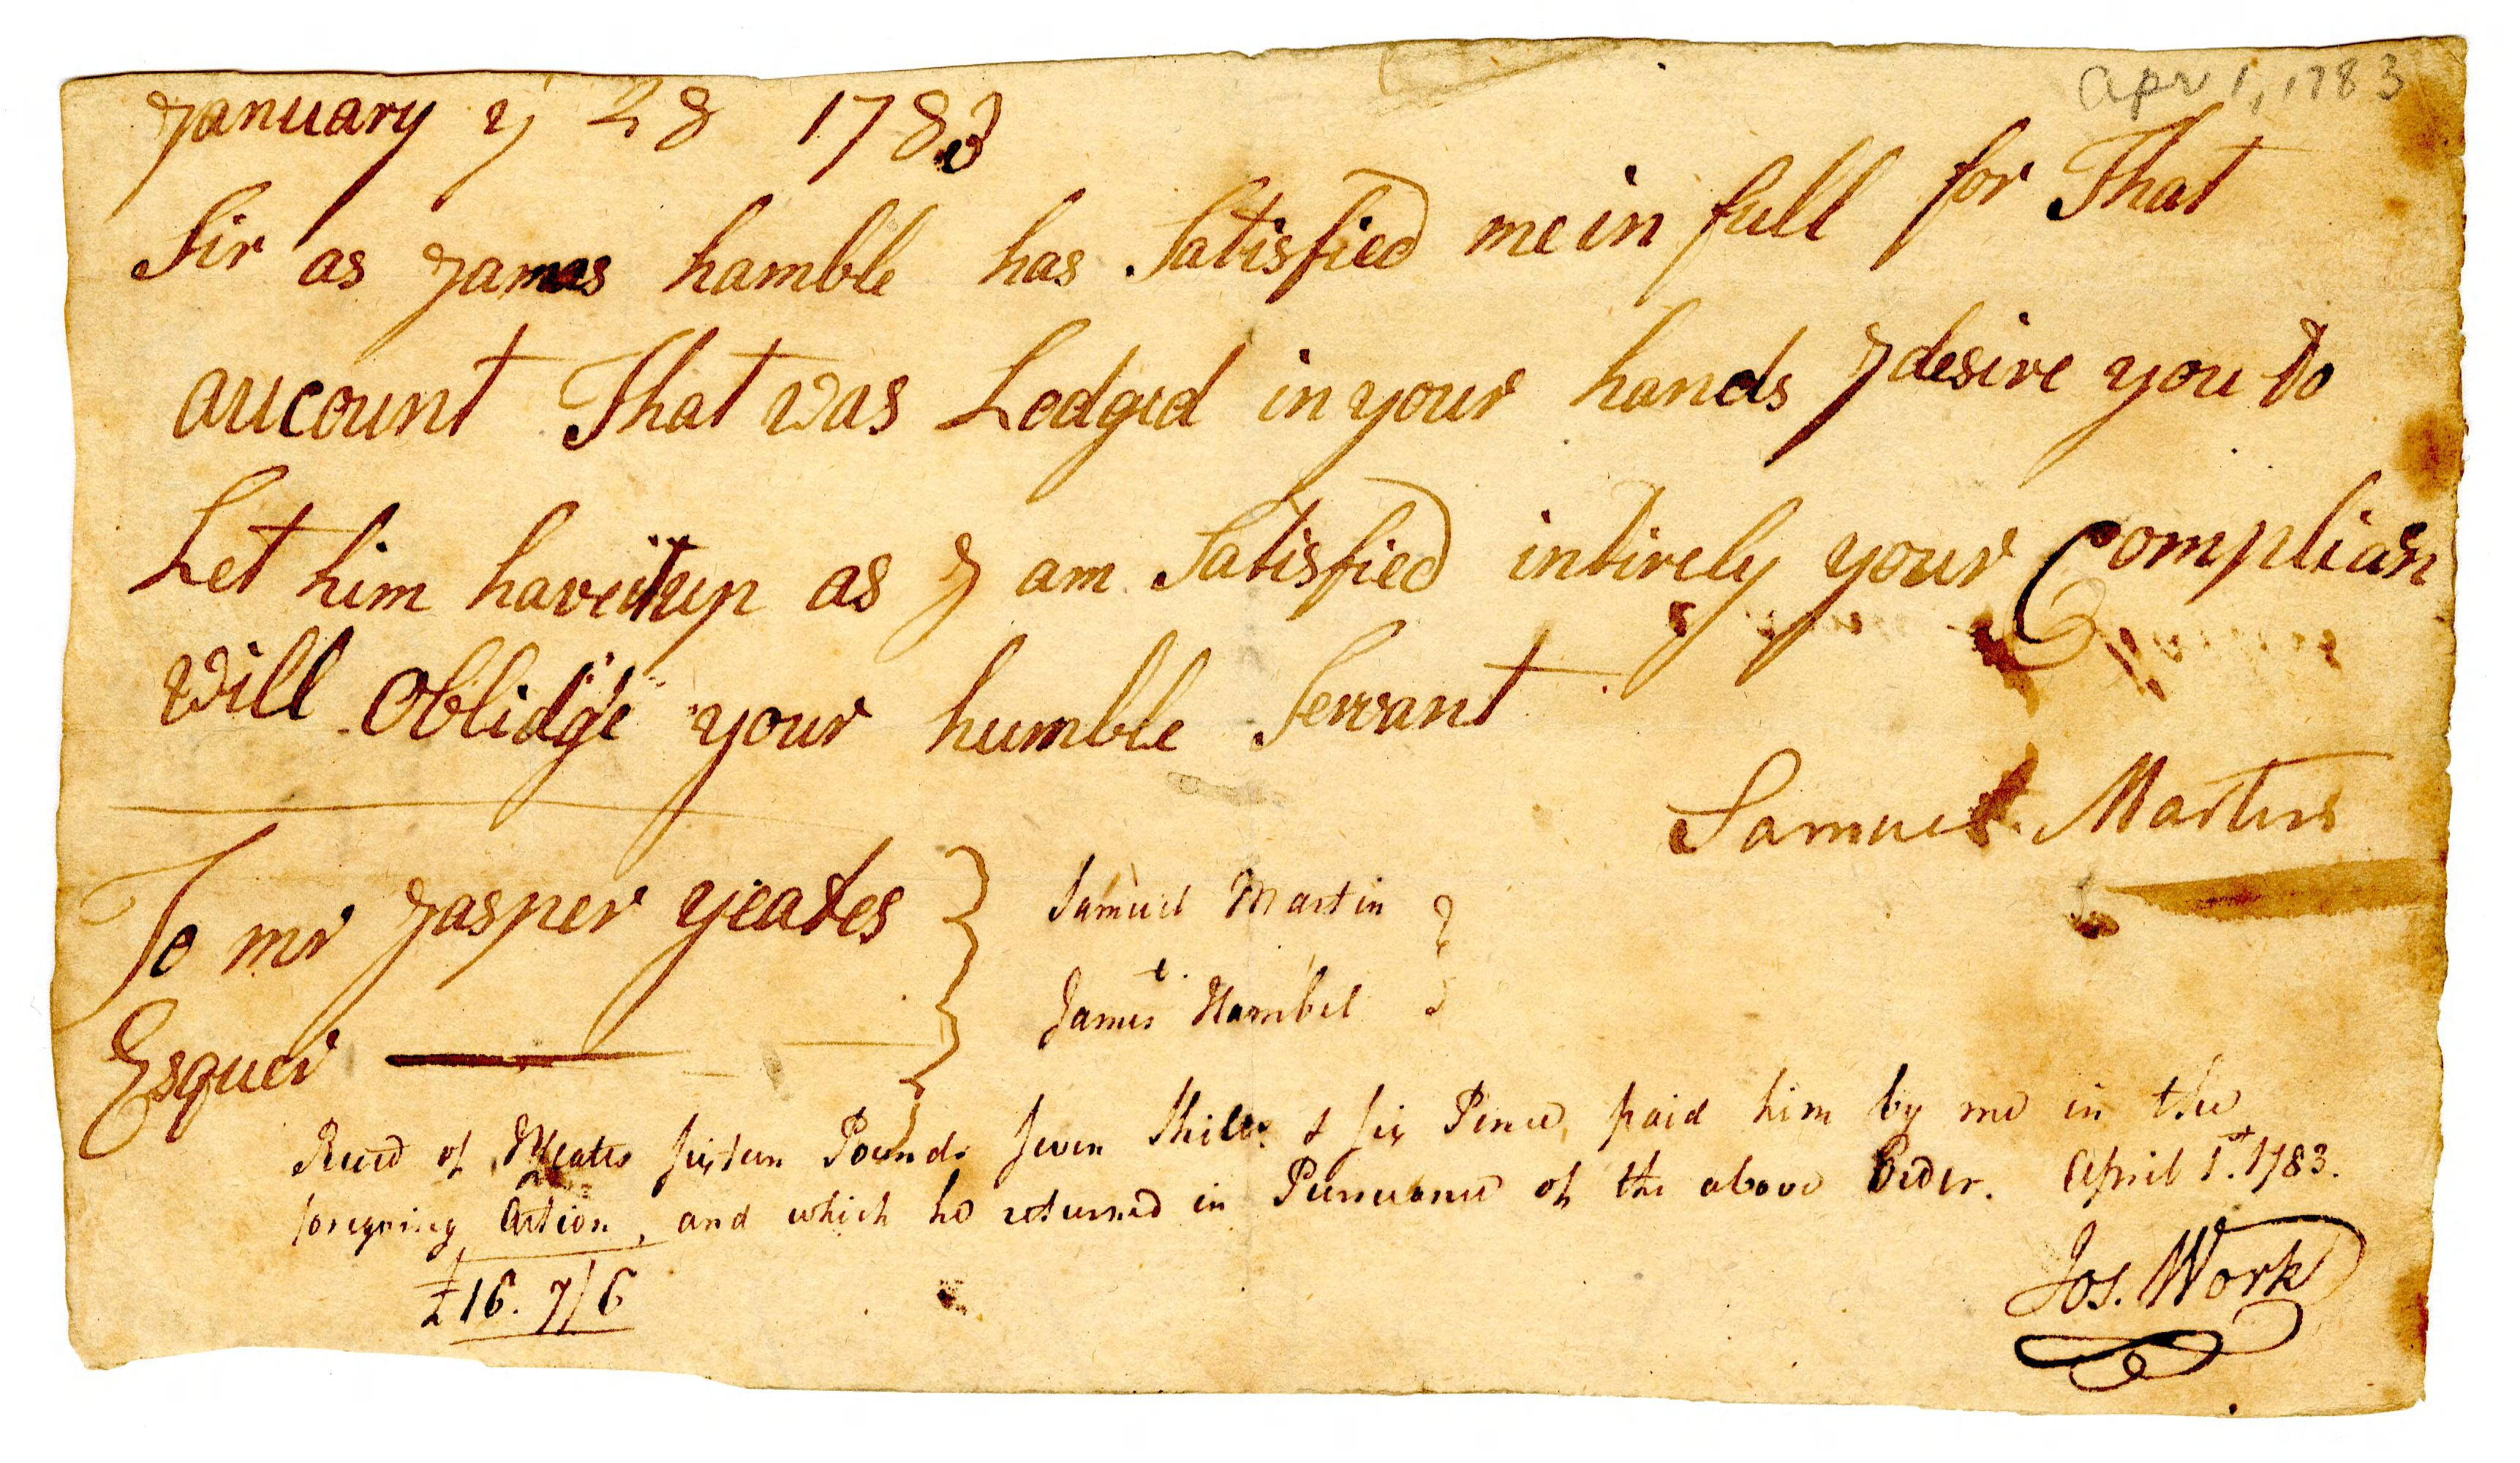January 28 1783
Sir as James hamble has Satisfied me in full for That
Account That Was Ledged in your hands I desire you to
Let him have it up as I am satisfied intirely your Complian^e
will Oblidge your humble Servant
Samuel Martin
To M^r
Jasper Yeates
Esquir^e
Samuel Mart in
James Hambel
Reced of J Yeates Sixteen Pounds Seven Shills. & Six Pence paid him by me in the
foregoing Action, and which he returned in Purchase of the above Order. April 1^st. 1783.
£16. 7/6
Jos. Work